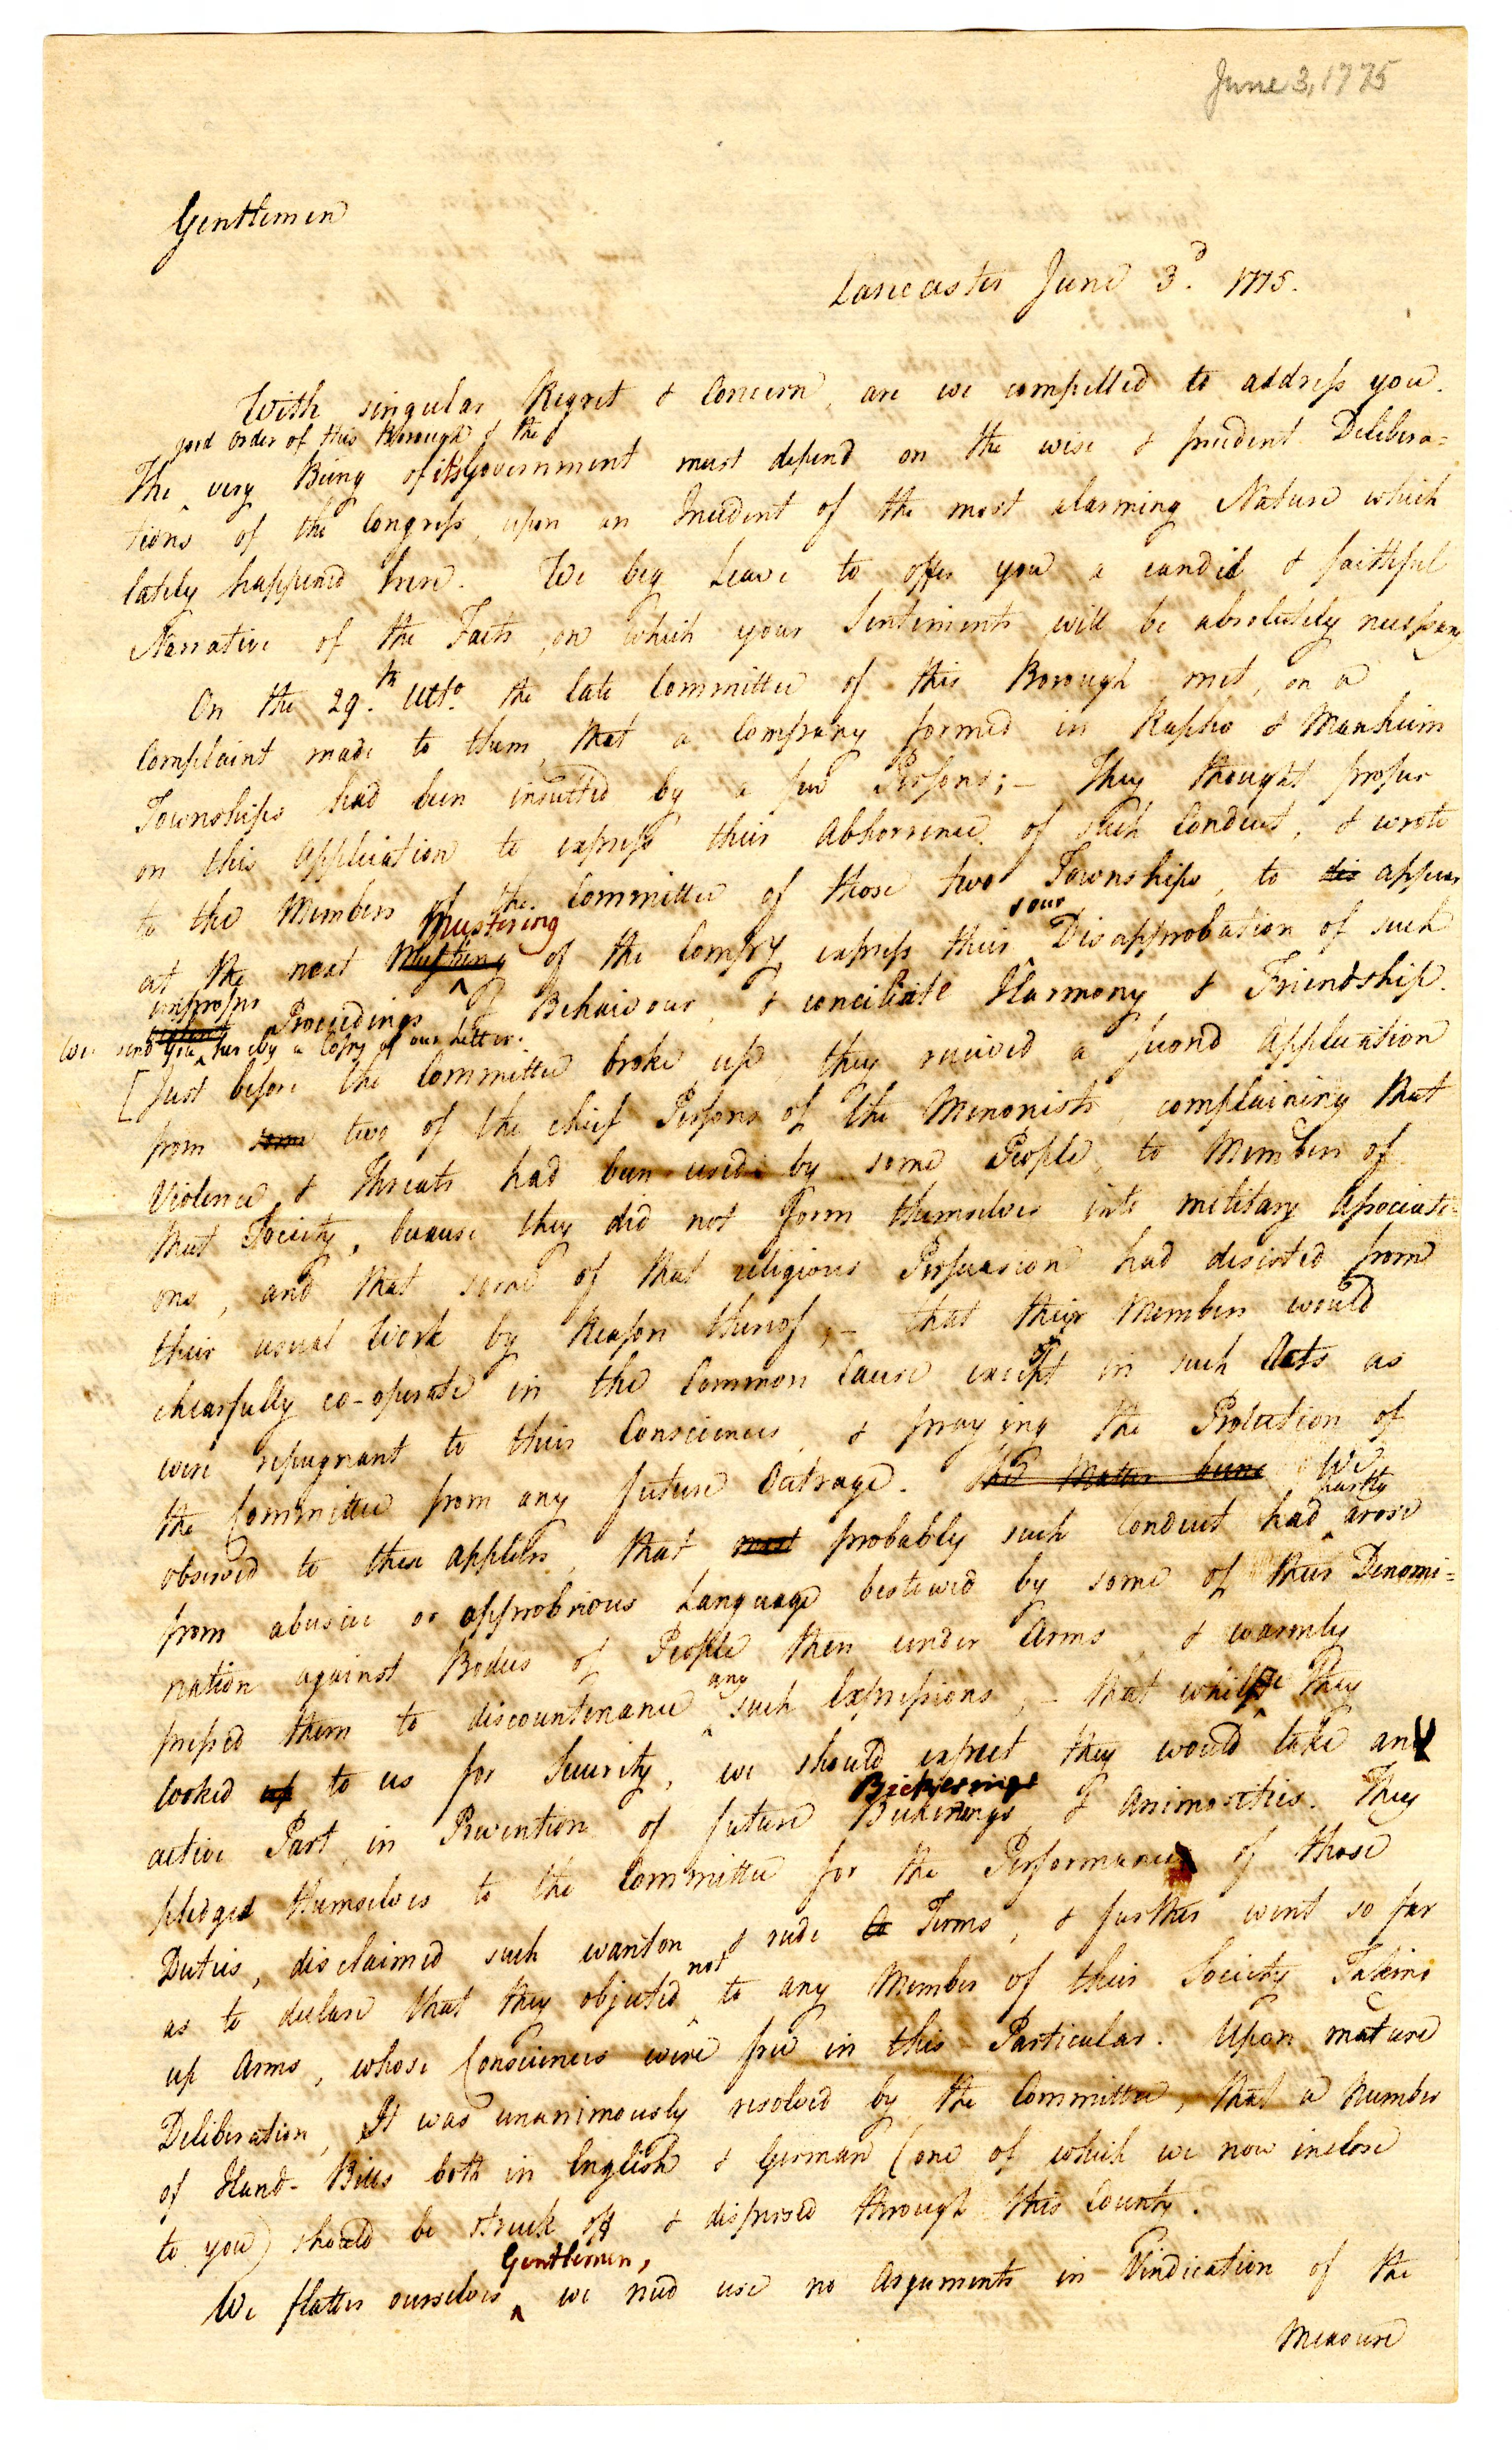Lancaster June 3^d. 1775
Gentlemen
With singular Regret & Concern, are we compelled to address you.
good order of this Borough & the
The ^ very Being of its Government must depend on the wise & prudent Delibera-
-tions of the Congress, upon an Incident of the most alarming Nature which
lately happened here. We beg Leave to offer you a candid & faithful
Narrative of the Facts on which your Sentiments will be absolutely necessary
On the 29^th. Ult^o. the late Committee of this Borough met on a
Complaint made to them that a company formed in Rapho & Manheim
Townships had been insulted by a few Persons; They thought proper
on this Application to express their abhorrence of such Conduct, & wrote
to the Members of the Committee of those two Townships, to dis appear
Mustering
sour
at the next Meeting ^ of the Company, express their ^ Disapprobation of such
Improper
violent ^ Proceedings & Behaviour & unaliate Harmony & Friendship
We send you hereby a Copy of our Letter.
(Just before the Committee broke up they received a second Application
from some two of the chief Persons of the Menonists, complaining that
Violence & Threats had been used by some People to Members of
that Society, because they did not form themselves into, military associati-
-ons, and that some of that religious Persuasion had desisted from
their usual Work by Reason thereof, that their Members would
chearfully co-operate in the Common Cause except in such Acts as
were repugnant to their Consciences & praying the Protection of
the Committee from any future Outrage. The matter been we
partly
observed to then applier, that most probably such Conduct had ^ arose
from abusive os approbrious Langurge bestowed by some of their Denomi-
-nation against Bodies of People then under Arms & warmly
any
pressed them to discountenance ^ such Expressions, that while they
looked up to us for Suerity, we should expect they would take an
Bickerings
active Part in Prevention of future Bickerings & Animosities. They
pledged themselves to the Committee for the Performance of those
Duties, disclaimed such wanton & rude A Terms, & further went so far
not
as to declare that they objected to any Member of their Society Taking
up ams, whose Consciences were free in this Particular. Upon mature
Deiliberation, It was unanimously resolved by the Commitee that a number
of Hand Bills both in English & German (one of which we now inclose
to you) should be struck off & dispersed through this county.
Gentlemen,
We flatter ourselves ^ we need use no Arguments in Vindication of the
Measure